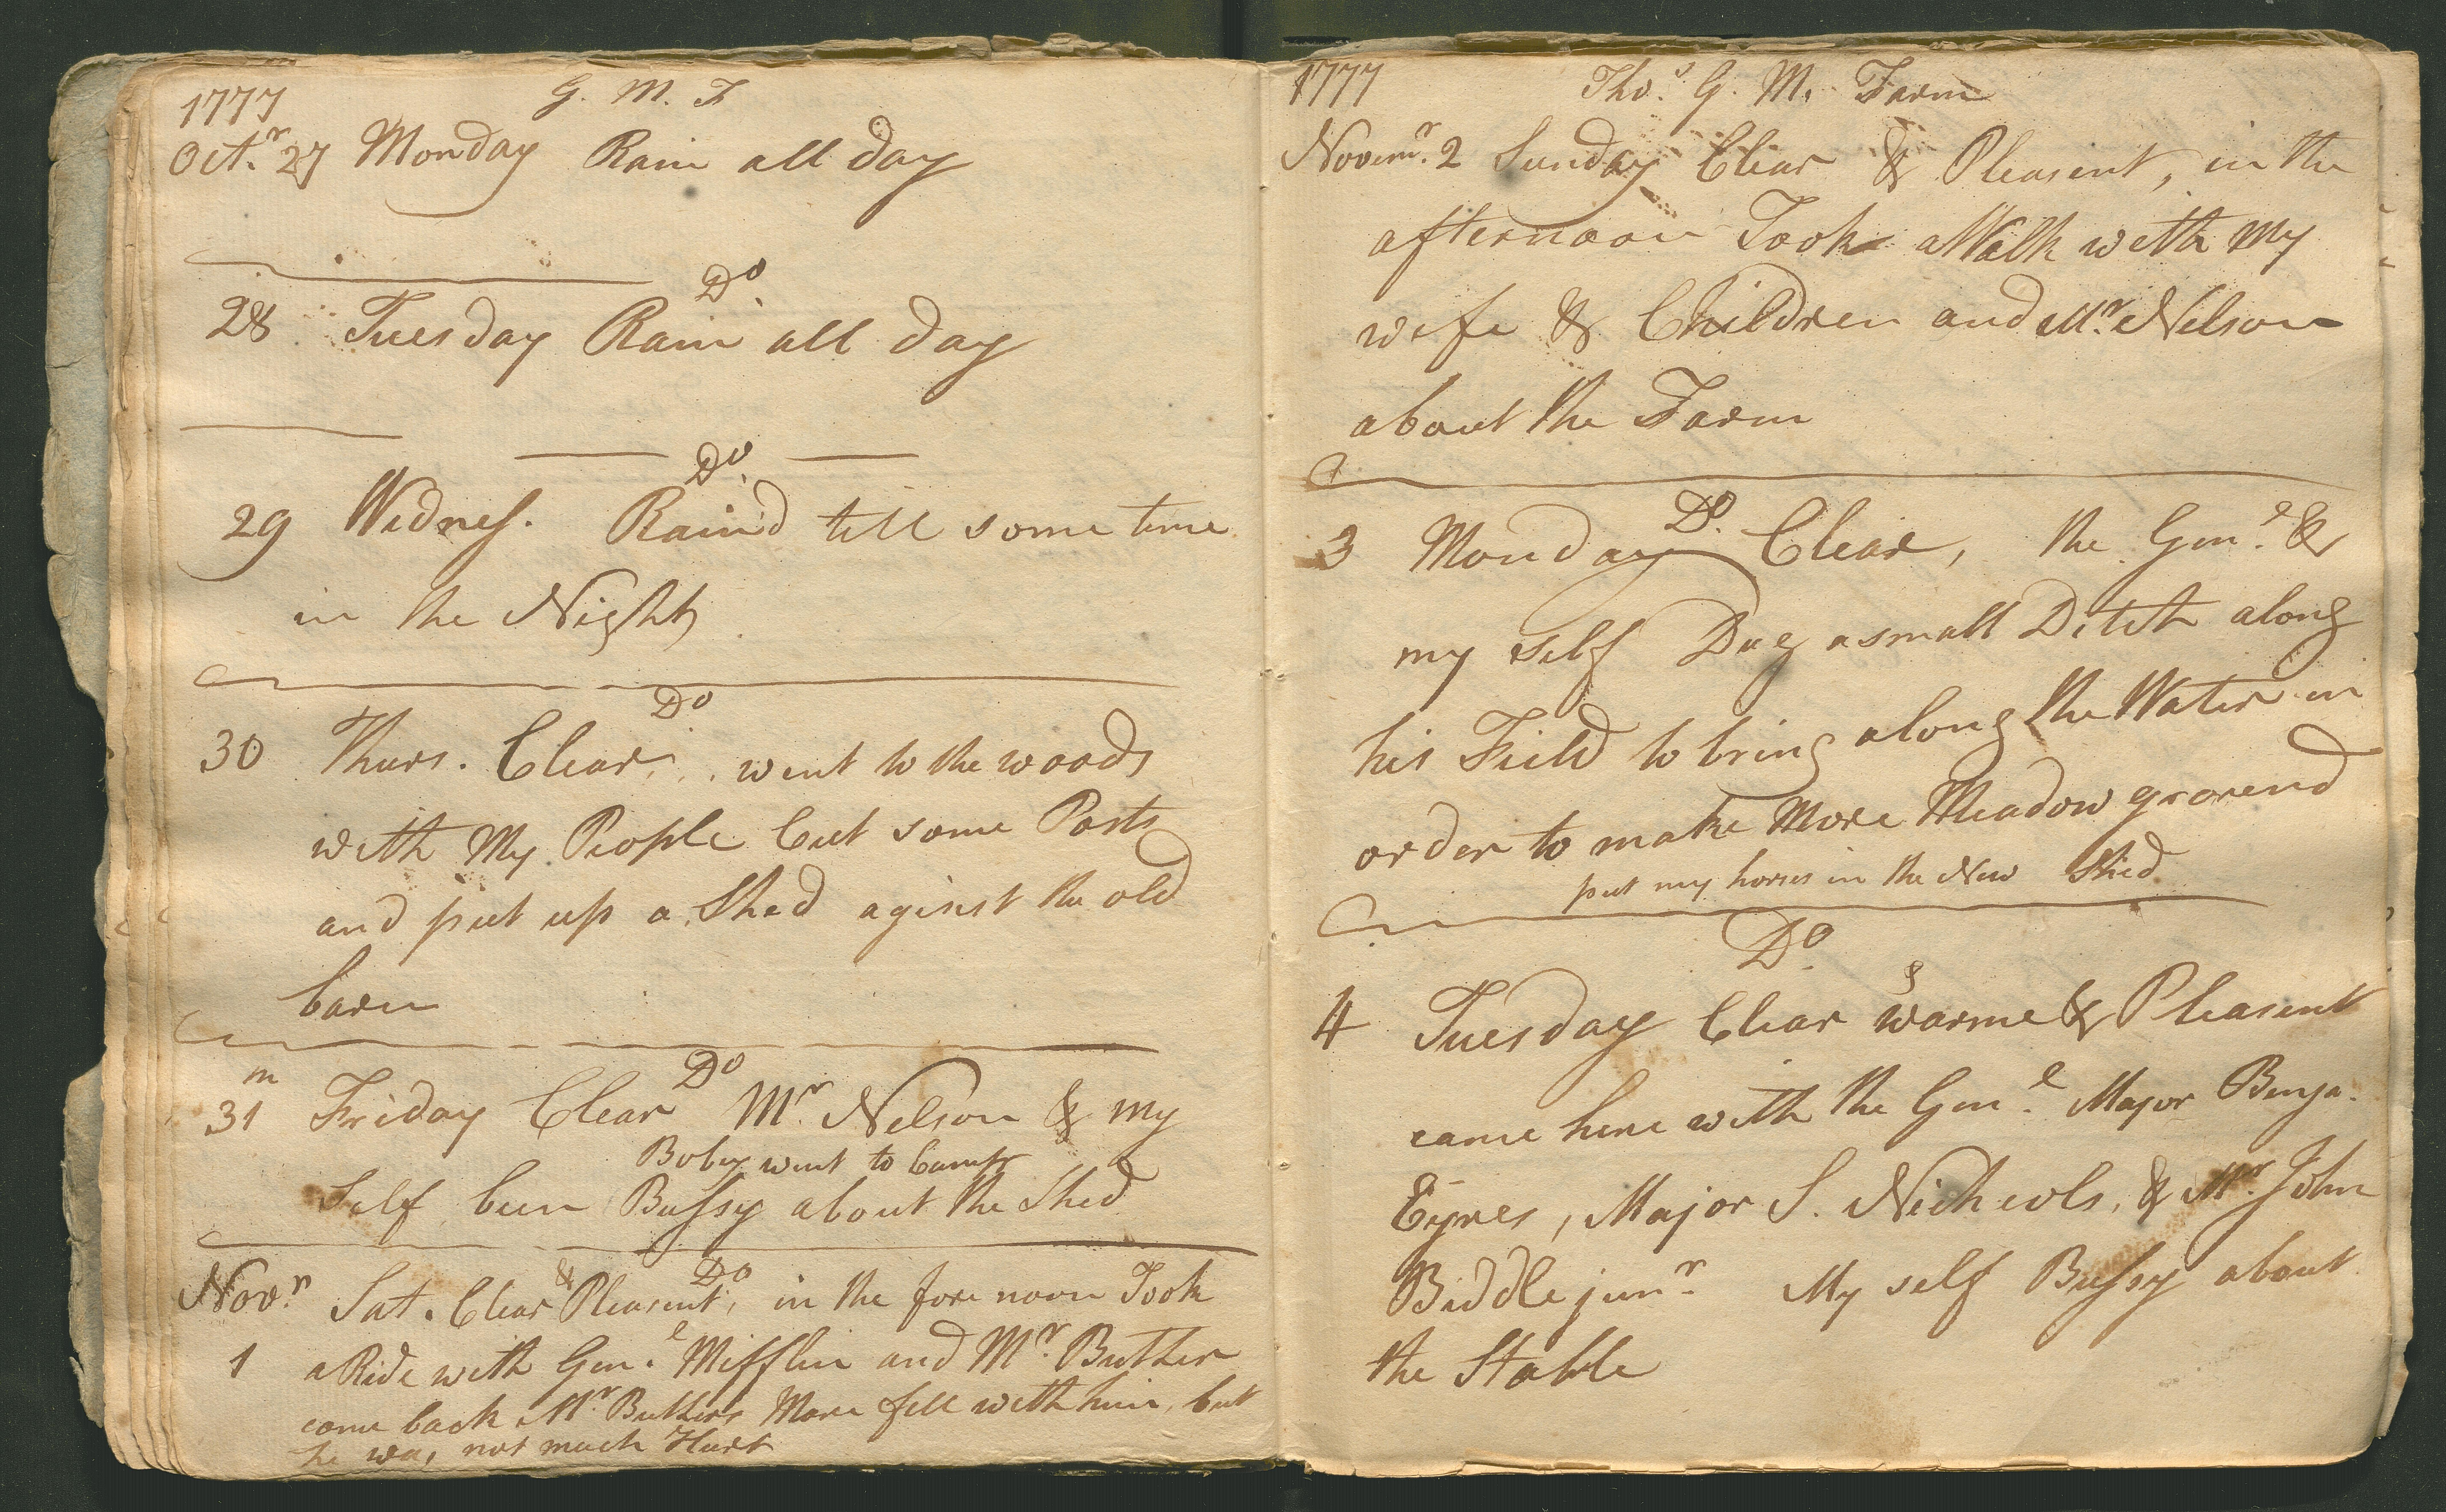1777
G. M. F
Oct^r. 27 Monday Rain all day
D^o.
28. Tuesday Rain all day
29 Wednes. Rain'd till some time
in the Night
30 Thurs. Clear went to the woods
with My People Cut some Posts
and pet up a shed aginst the old
barn
D^o
31 Friday Clear M^r. Nelson & My
Bobey went to Camp
self been Bussy about the Shed
Nov^r. Sat. Clear ^& Pleasent, in the fore noon Took
1 a Ride with Gen^l. Mifflin and M^r. Butler
came back M^r. Butlers Mare fell with him, but
he was not much Hurt
1777
Tho^s. G. M. Farm
Novem^r. 2 Sunday Clear & Pleasent, in the
afternoon Took a Walk with My
wife & Children and M^r. Nelson
about the Tarm
3 Monday Clear, the Gen^l. &
my self Dug a small Ditch along
his Field to bring along the Waters in
order to make More Meadow grovend
put my horses in the New Shed.
D^o.
4 Tuesday Clear warme & Pleasent
came here with the Gen^l. Major Benja.
Eyres, Major S. Nichcols, & M^r. John
Biddle jun^r. My self Bussy about
the Stable